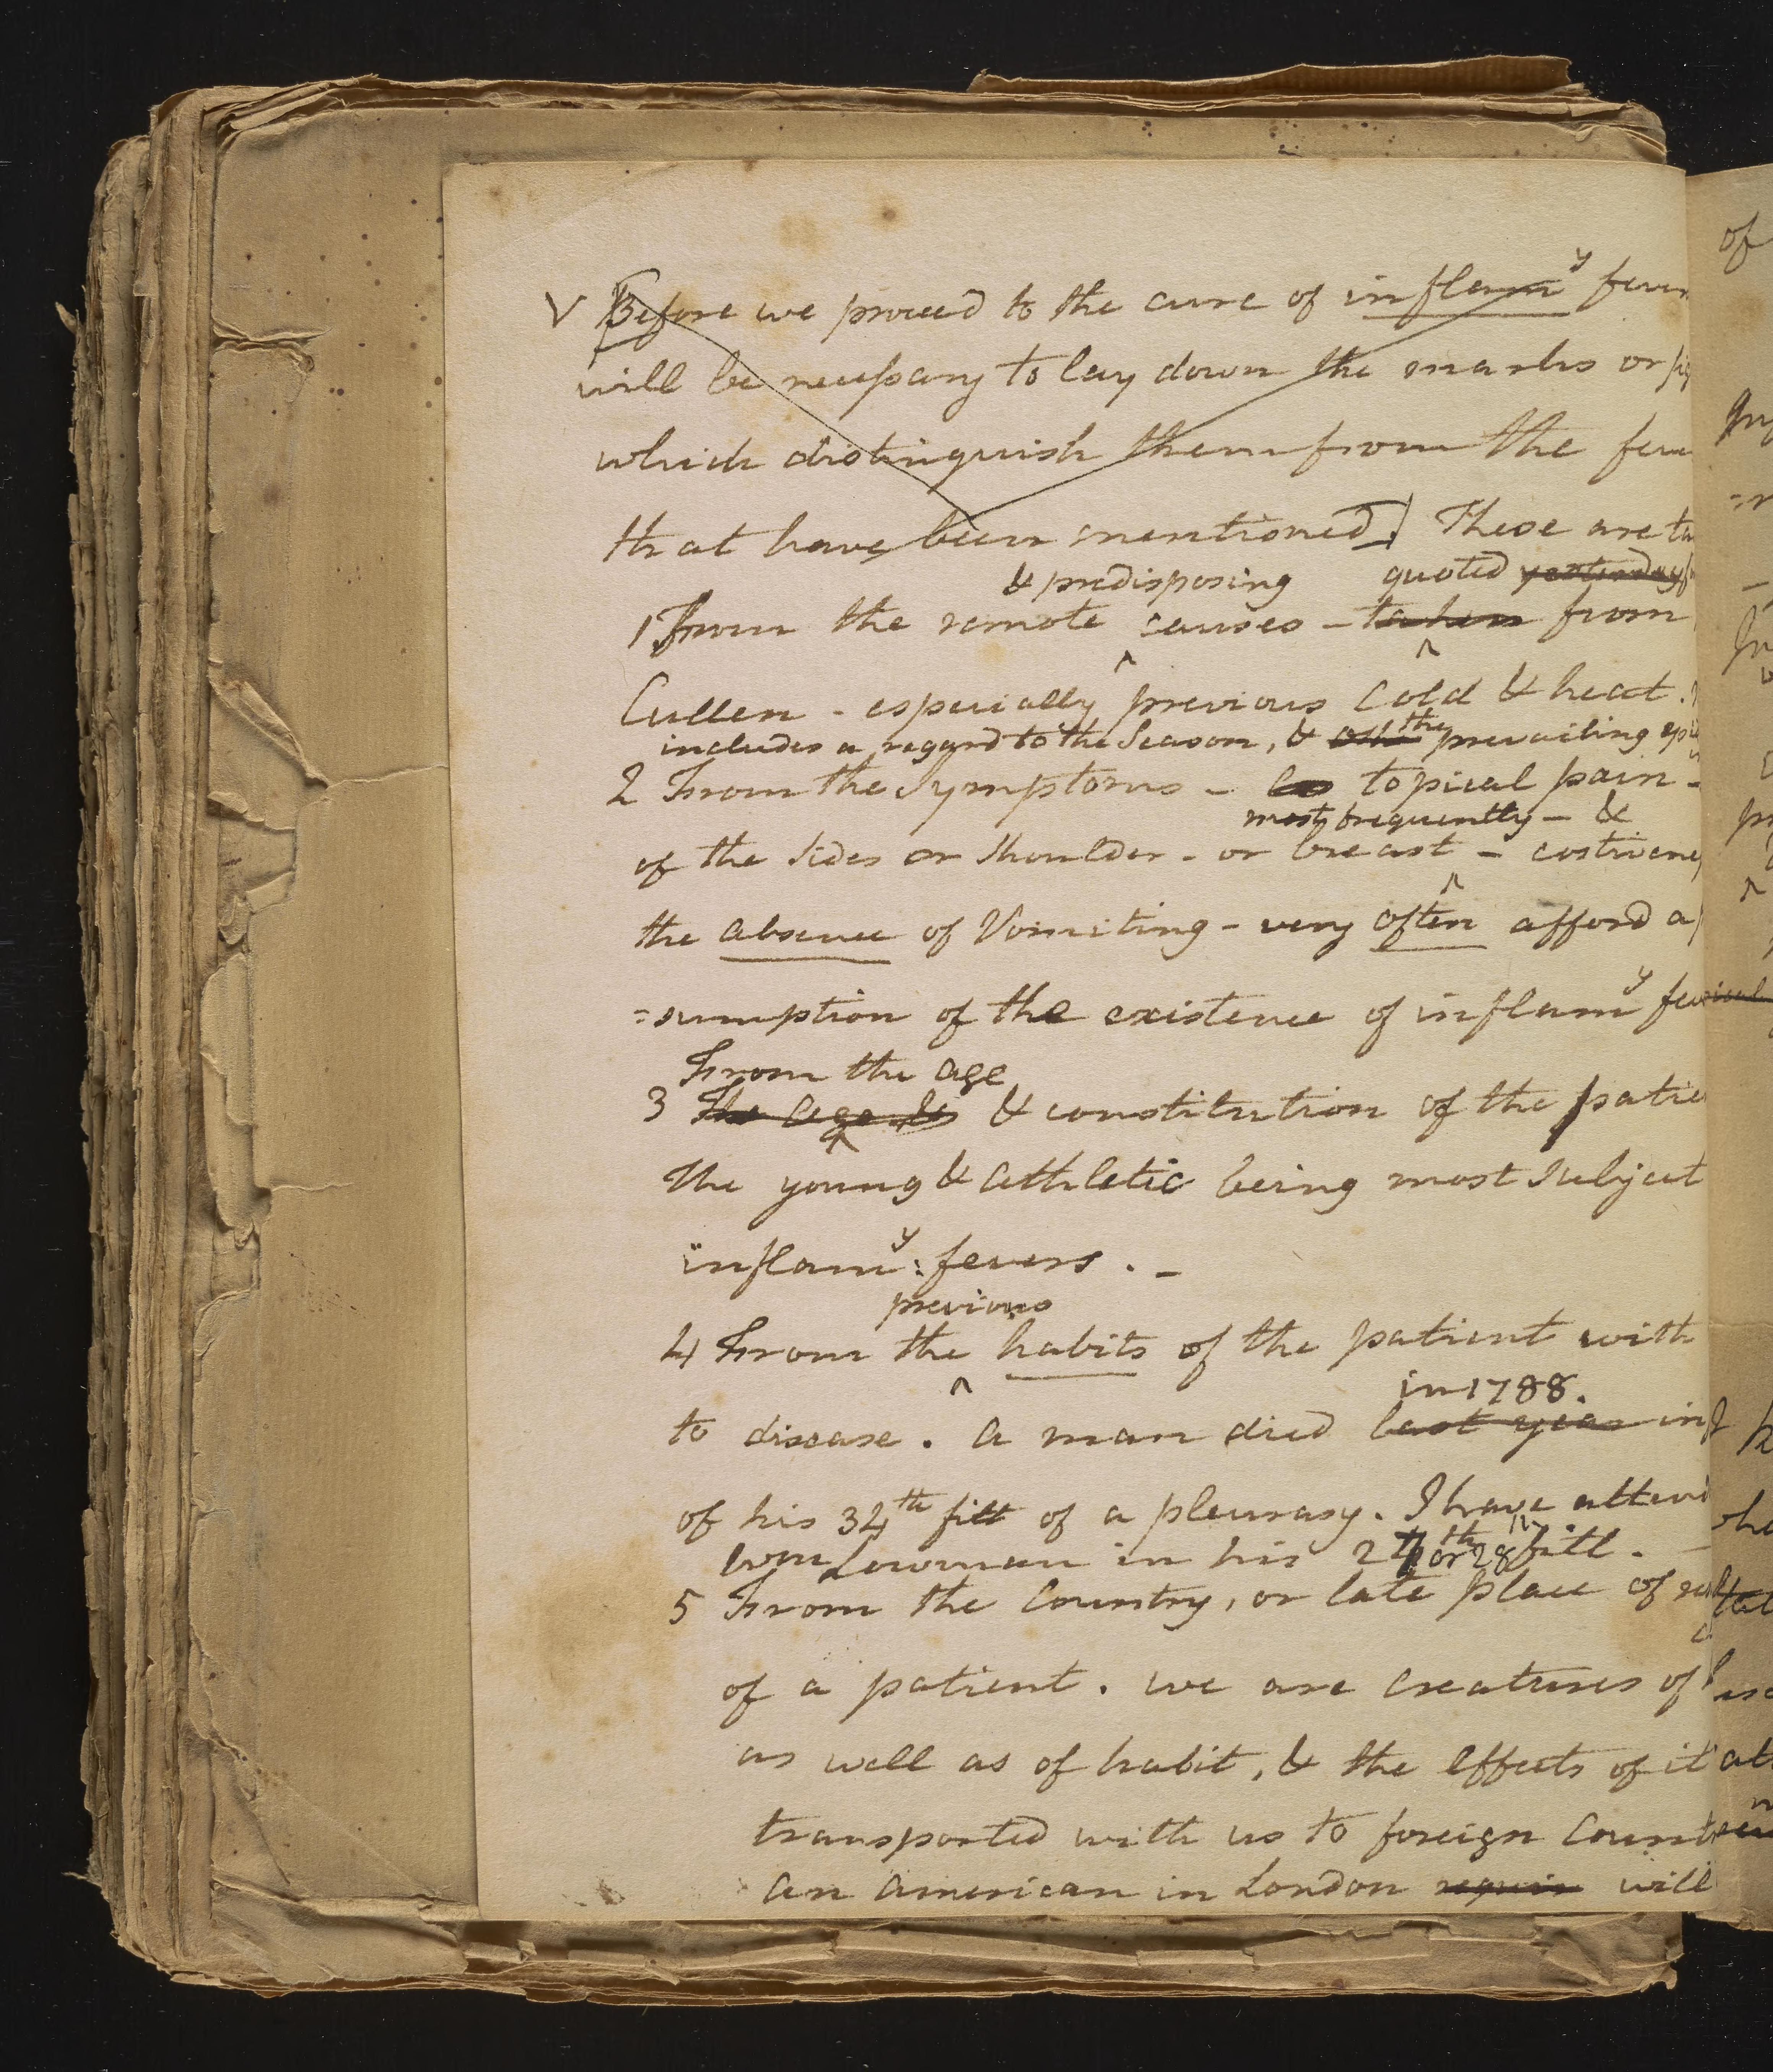Before we proceed to the cure of inflam^y fever
will be necessary to lay down the marks or Sig
which distinguish them from the fever
that has been mentioned.) These are ta
& predisposing quoted [yesterday] f
From the remote ^ causes- [taken] ^ from
Cullen, especially previous cold & heat
includes a regard to the Season, & [other] the prevailing [__]
2 From the Symptoms- [__] topical pain,
most frequently- &
of the sides or shoulder- or breast- costinene
the absence of Vomiting- very often afford a
-sumption of the existence of inflam^y fev
From the age
3 [The Age &] & & constitution of the particu
The young & athletic eing most subject
inflam^y fevers.-
previous
4 From the ^ habits of the patient with
in 1788
to disease. A man died [last year] in
of his 32th fitt of a pleurasy. I have attend
W^m Lowman in his 27th or 28 fitt.
5 From the Country, or late place of se[__]
of a patient. We are creatures of
as well as of habit, & the effects of it
transported with us to foreign countries
an American in London requir will